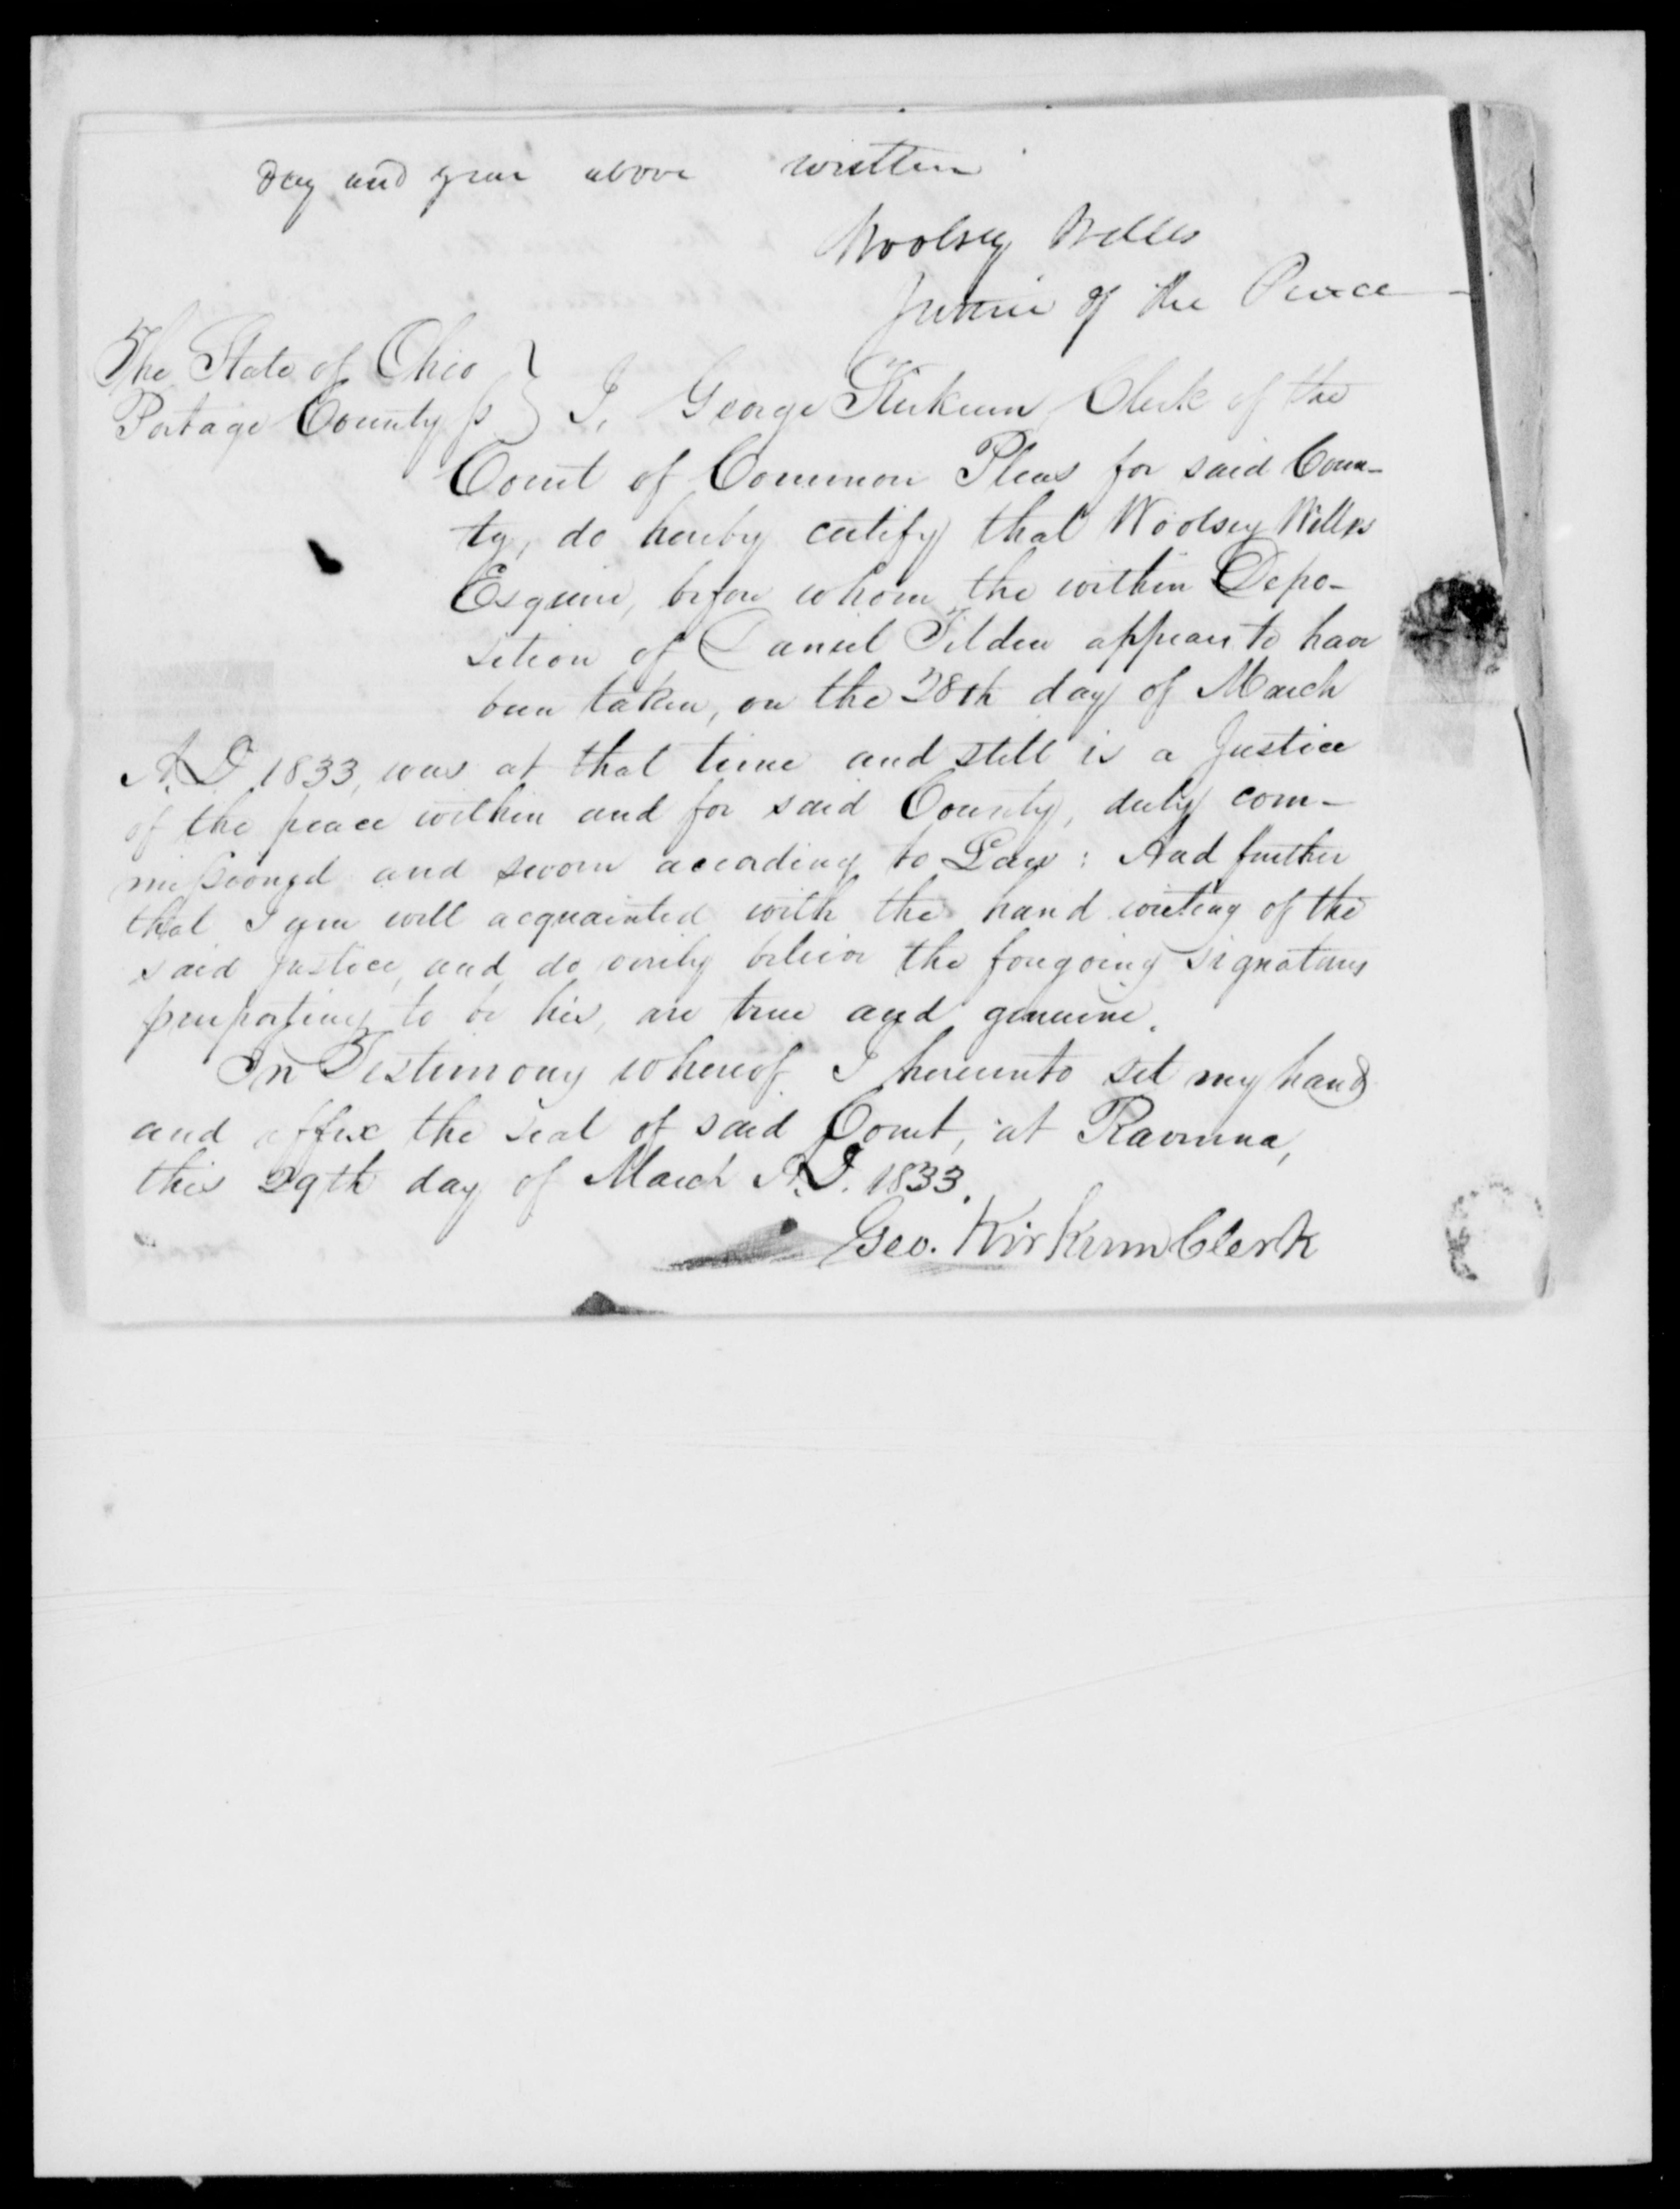day and year above written.
Woolsey Welles
Justice of the Peace

The State of Ohio}
Portage County ss} 

I, George Kirkum, Clerk of the Court of Common Pleas for said County, do hereby certify that Woolsey Welles Esquire, before whom the within Deposition of Daniel Tilden appears to have been taken, on the 28th day of March A.D. 1833, was at that time and still is a Justice of the peace within and for said County, duly commissioned and sworn according to Law: And further that I am well acquainted with the hand writing of the 
said Justice, and do verily believe the foregoing signatures purporting to be his, are true and genuine.

In Testimony whereof, I hereunto set my hand and affix the seal of said Court, at Ravenna, this 29th day of March A.D. 1833.
Geo. Kirkum, Clerk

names: Daniel Tilden, Woolsey Welles, George Kirkum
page: 32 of 50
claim: widow's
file: W. 15814, Glading Waterman, Conn. Conn. Sea Service Continental